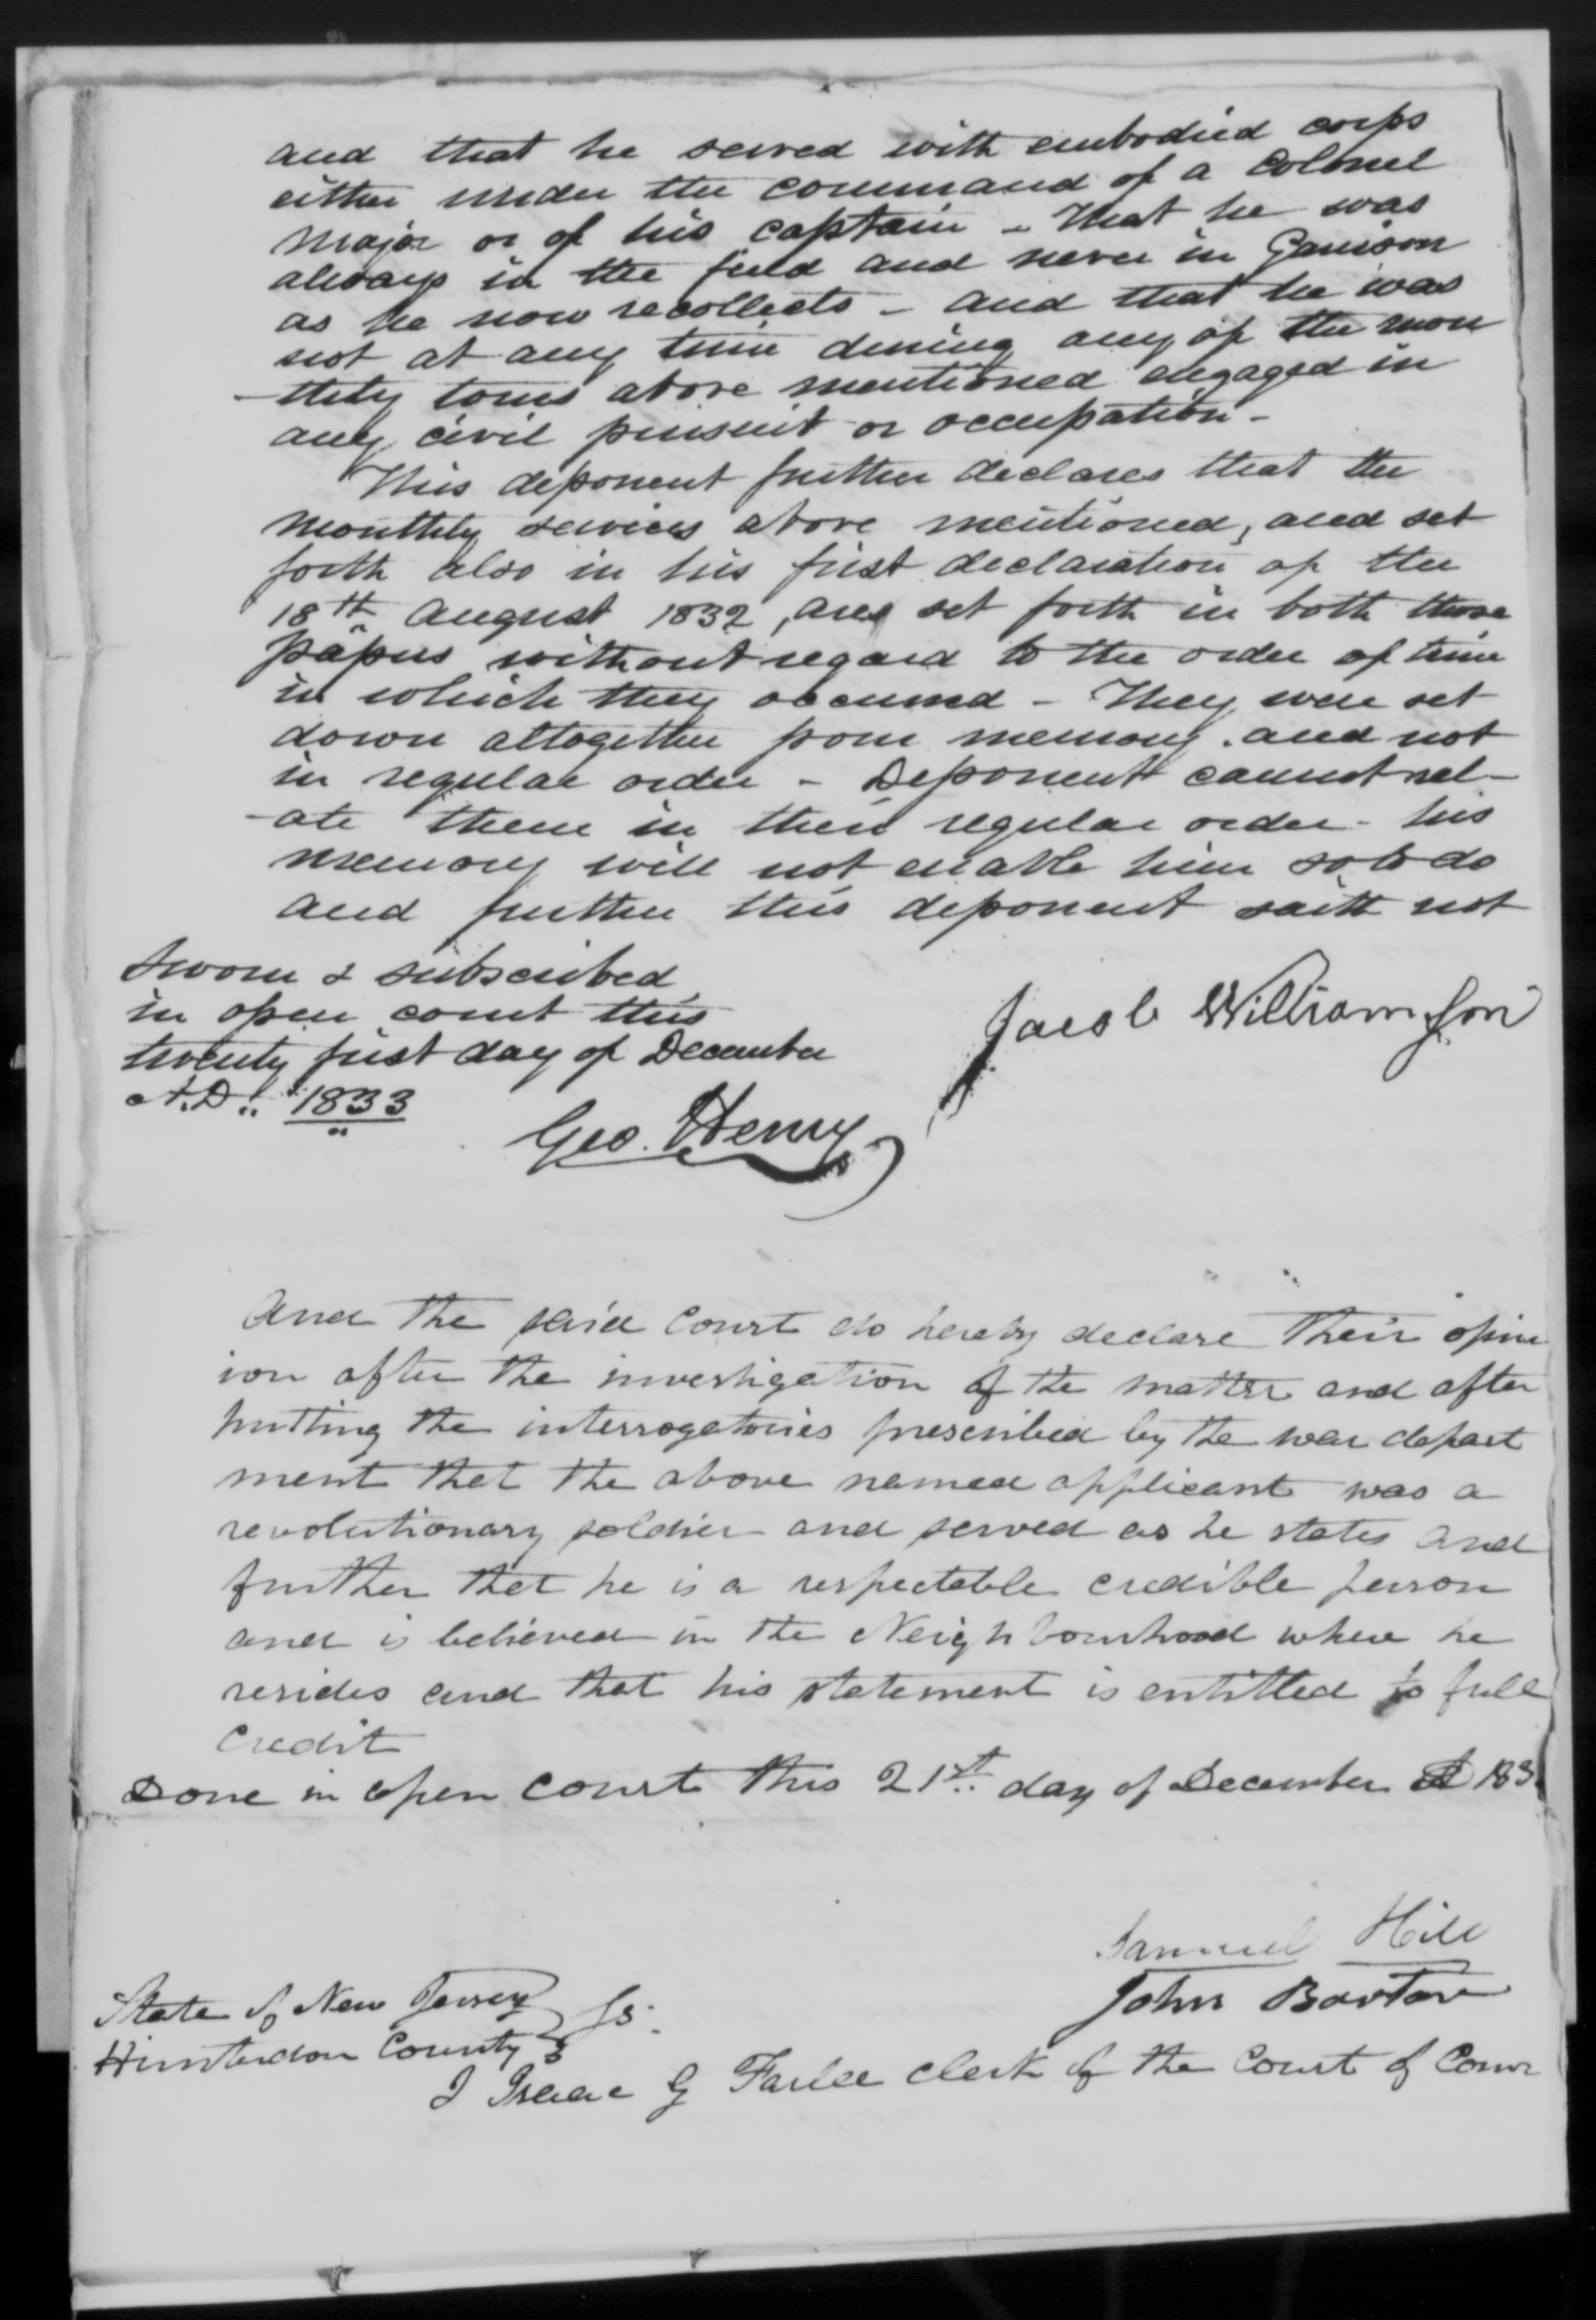...and that he served with embodied corps either under the command of a colonel, major or of his captain. That he was always in the field and never in garrison as he now recollects. And that he was not at any time during any of the monthly tours above mentioned engaged in any civil pursuit or occupation.

This deponent further declares that the monthly services above mentioned and set forth also in his first declaration of the 18th August 1832 are set forth in both those papers without regard to the order of time in which they occurred. They were set down altogether from memory and not in regular order. Deponent cannot relate them in their regular order. His memory will not enable him so to do. And further this deponent saith not.
s/ Jacob Williamson

Sworn & subscribed in Open Court this Twenty first day of December A.D. 1833.
s/ Geo. Henry

And the said Court do hereby declare their opinion after the investigation of the matter and after putting the interrogatories prescribed by the War Department that the above named applicant was a Revolutionary Soldier and served as he states and further that he is a respectable, credible person and is believed in the neighborhood where he resides and that his statement is entitled to full credit.

Done in Open Court this 21st day of December 183[illegible].
s/ Samuel Hill
s/ John Barton

State of New Jersey
Hunterdon County//

I, Isaac G. Farlee, Clerk of the Court of Com(mon)...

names: Isaac G Farlee, Geo Henry, Samuel Hill, John Barton, Jacob Williamson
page: 55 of 67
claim: widow's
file: W. 2393, Jacob Williamson, New Jersey